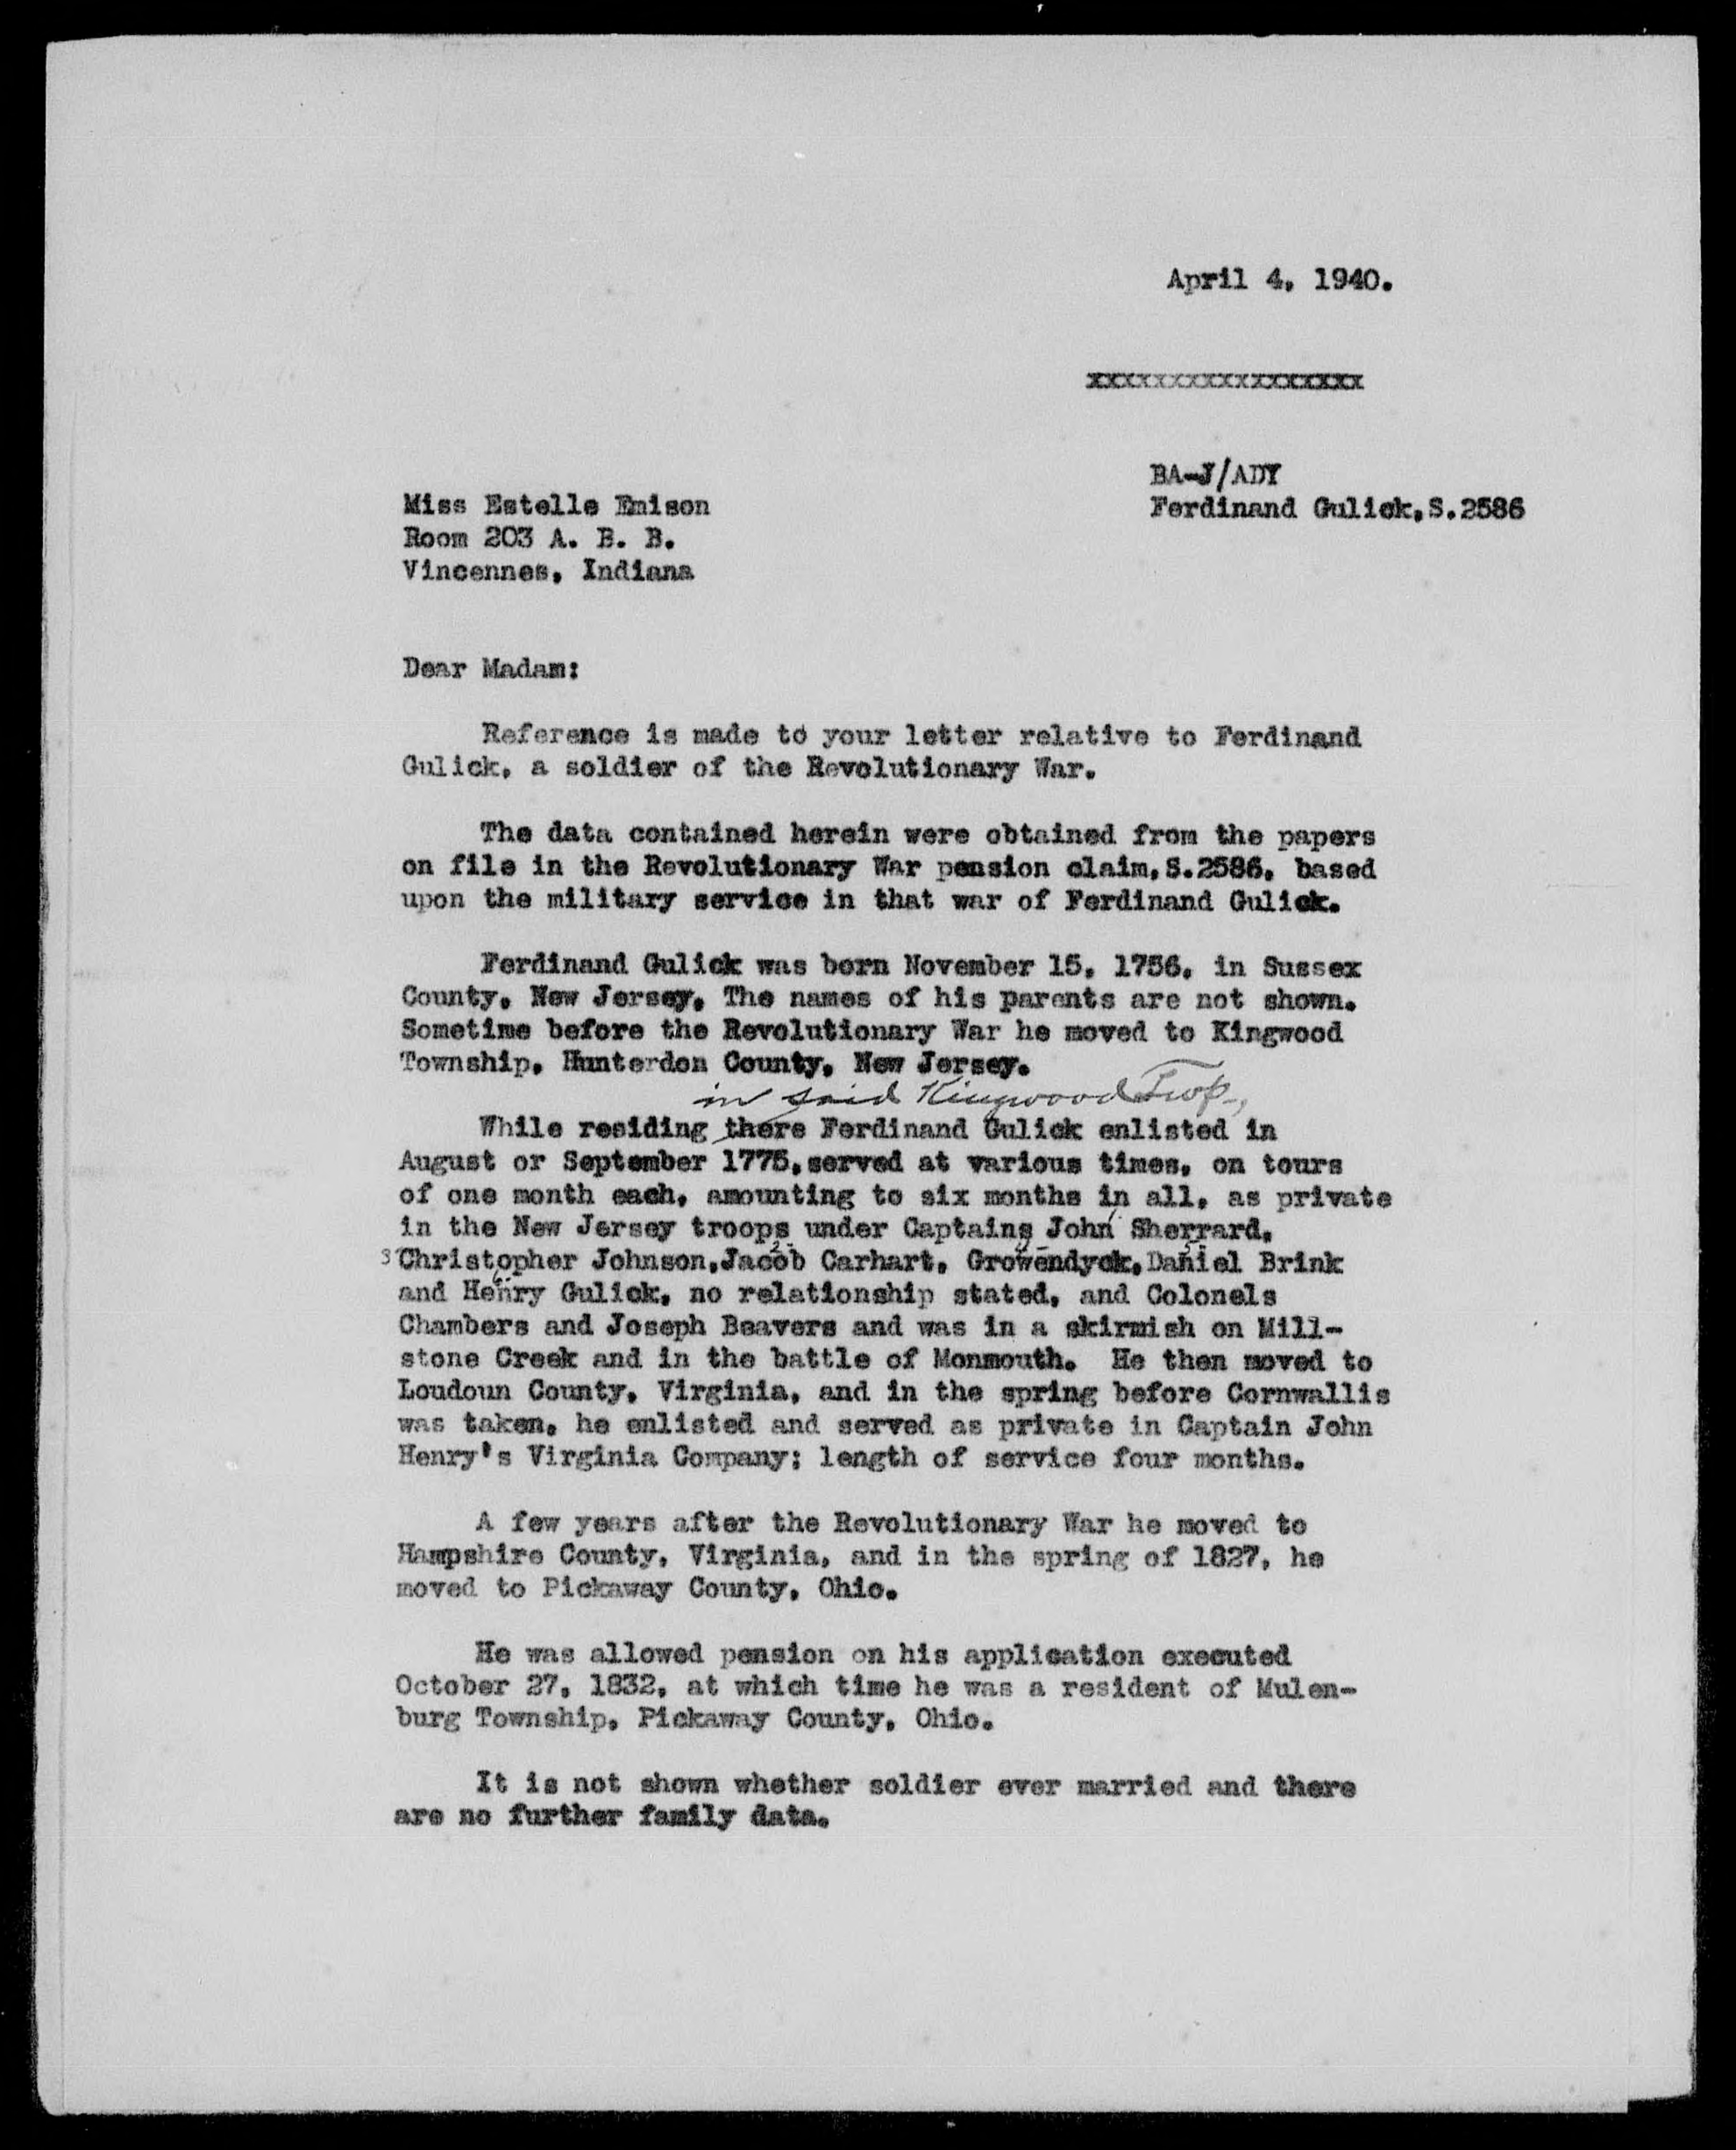April 4, 1940

xxxxxxxxxxxxxxxx

BA-J/ADY
Ferdinand Gulick, S. 2586

Miss Estelle Emison
Room 203 A.B.B
Vincennes, Indiana

Dear Madam:

Reference is made to your letter relative to Ferdinand Gulick, a soldier of the Revolutionary War.

The data contained herein were obtained from the papers on file in the Revolutionary War pension claim, S.2586, based upon the military service in that war of Ferdinand Gulick.

Ferdinand Gulick was born November 15, 1756, in Sussex County, New Jersey. The names of his parents are not shown. Sometime before the Revolutionary War he moved to Kingwood Township, Hunterdon County, New Jersey.

While residing in said Kingwood Twp, Ferdinand Gulick enlisted in August or September 1775, served at various times, on tours of one month each, amounting to six months in all, as private in the New Jersey troops under Captains 1 John Sherrard 3 Christopher Johnson, 2 Jacob Carhart, 4 Growendyck, 5 Daniel Brink, and 6 Henry Gulick [6], no relationship stated, and Colonels Chambers and Joseph Beavers and was in a skirmish on Millstone Creek and in the battle of Monmouth. He then moved to Loudoun County, Virginia, and in the spring before Cornwallis was taken, he enlisted and served as a private in Captain John Henry's Virginia Company; length of service four months.

A few years after the Revolutionary War he moved to Hampshire County, Virginia, and in the spring of 1827, he moved to Pickaway County, Ohio.

He was allowed pension on his application executed October 27, 1832, at which time he was a resident of the Mulenburg Township, Pickaway County, Ohio.

It is not shown whether the soldier ever married and there are no further family data.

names: Cornwallis, Chambers, Ferdinand Gulick, Growendyck, Ferdinand Gulick, Ferdinand Gulick, John Sherrard, Christopher Johnson, Ferdinand Gulick, Ferdinand Gulick, Daniel Brink, Joseph Beavers, Estelle Emison, Henry Gulick, Jacob Garhart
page: 12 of 21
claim: survivor's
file: S. 2586, Ferdinand Gulick, New Jersey Va.